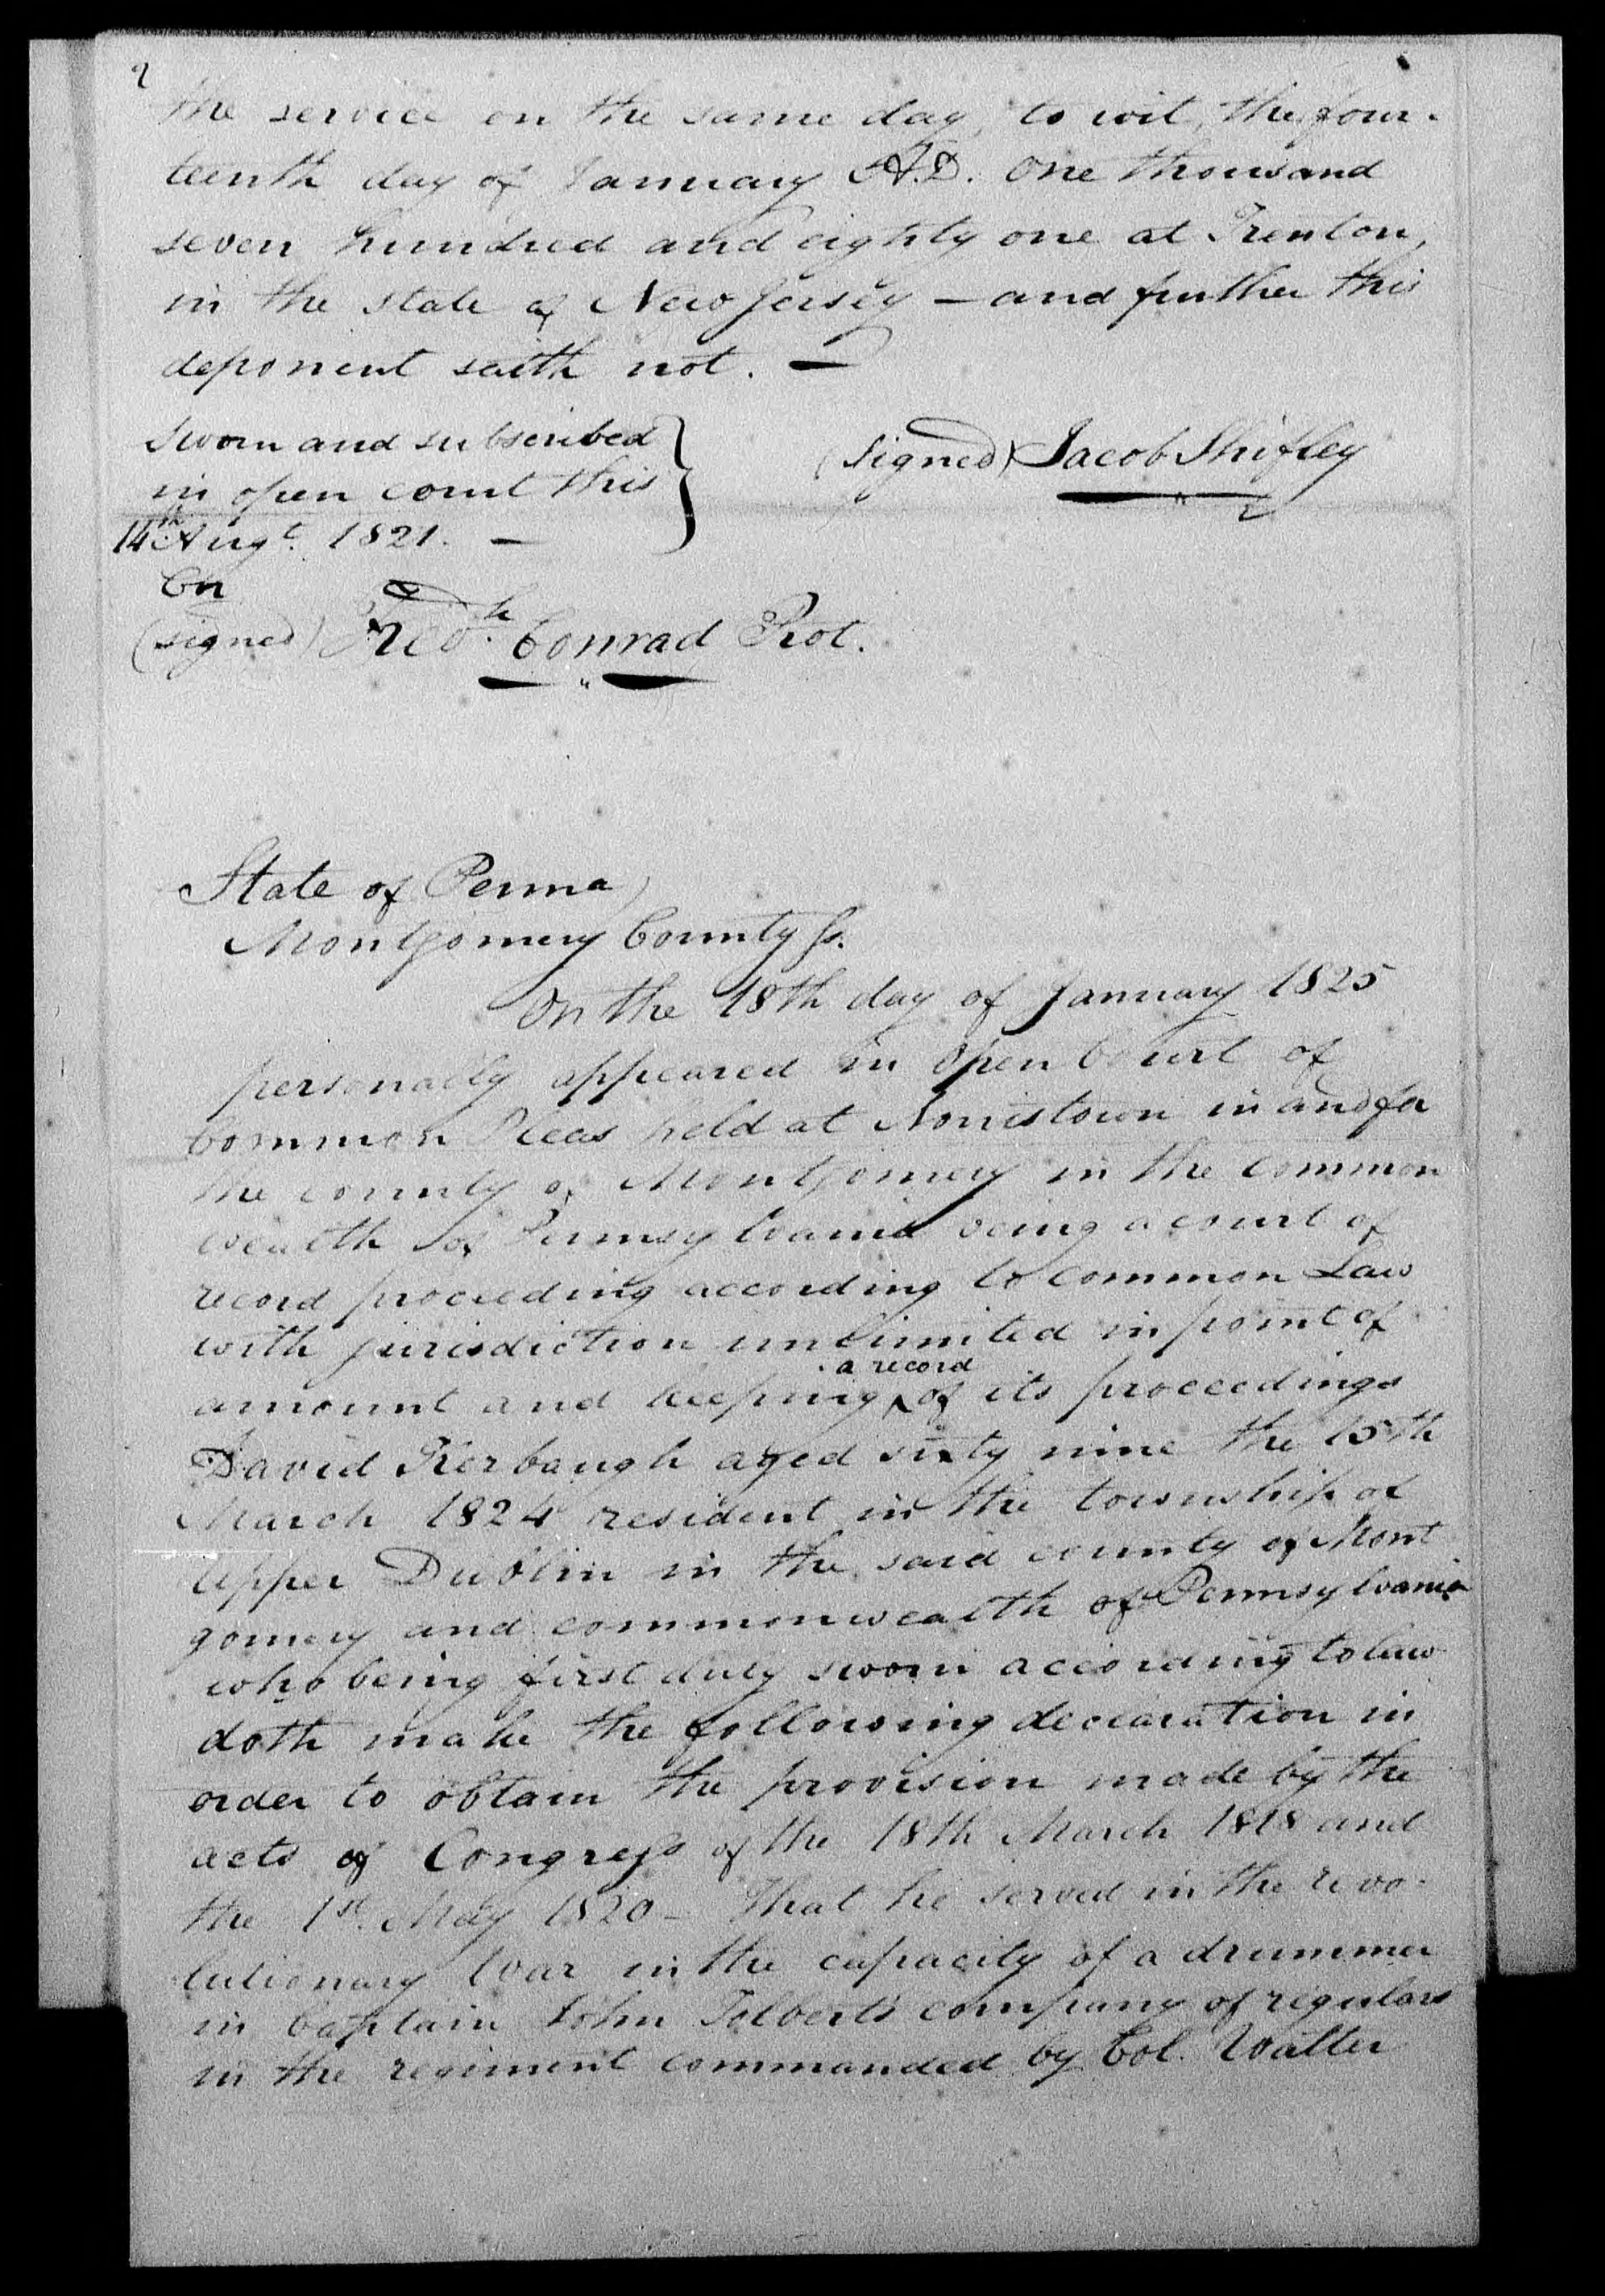the service on the same day, to wit, the fourteenth day of January A.D. one thousand seven hundred and eighty-one at Trenton in the state of Jew Jersey - and further this deponent saith not.
                        (Signed) Jacob Shifley

Sworn and subscribed
in open court this Augt. 1821.
(signed) Fredrk. Corand Prot.


State of Penna.
Montgomery County ss.

    On the 18th day of January 1825 personally appeared in open court of Common Pleas held at Morristown in and for the county of Montgomery in the Commonwealth of Pennsylvania being a court of record proceeding according to common law with jurisdiction unlimited in point of amount and keeping a record of its proceedings David Kerbaugh aged sixty-nine the 18th March 1824 resident in the township of Upper Dublin in the said county of Montgomery and commonwealth of Pennsylvania who being first duly sworn according to law doth make the following declaration in order to obtain the provision made by the acts of Congress of the 18th March 1818 and the 1st May 1820 - That he served in the revolutionary war in the capacity of a drummer in Captain John Tolbert's company of regulars in the regiment commanded by Col Walter (next page).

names: David Kerbaugh; Fredk Conrad; Walter Stewart; Jacob Shifley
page: 7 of 13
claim: survivor's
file: S. 39,800, for David Kerbaugh, Pennsylvania